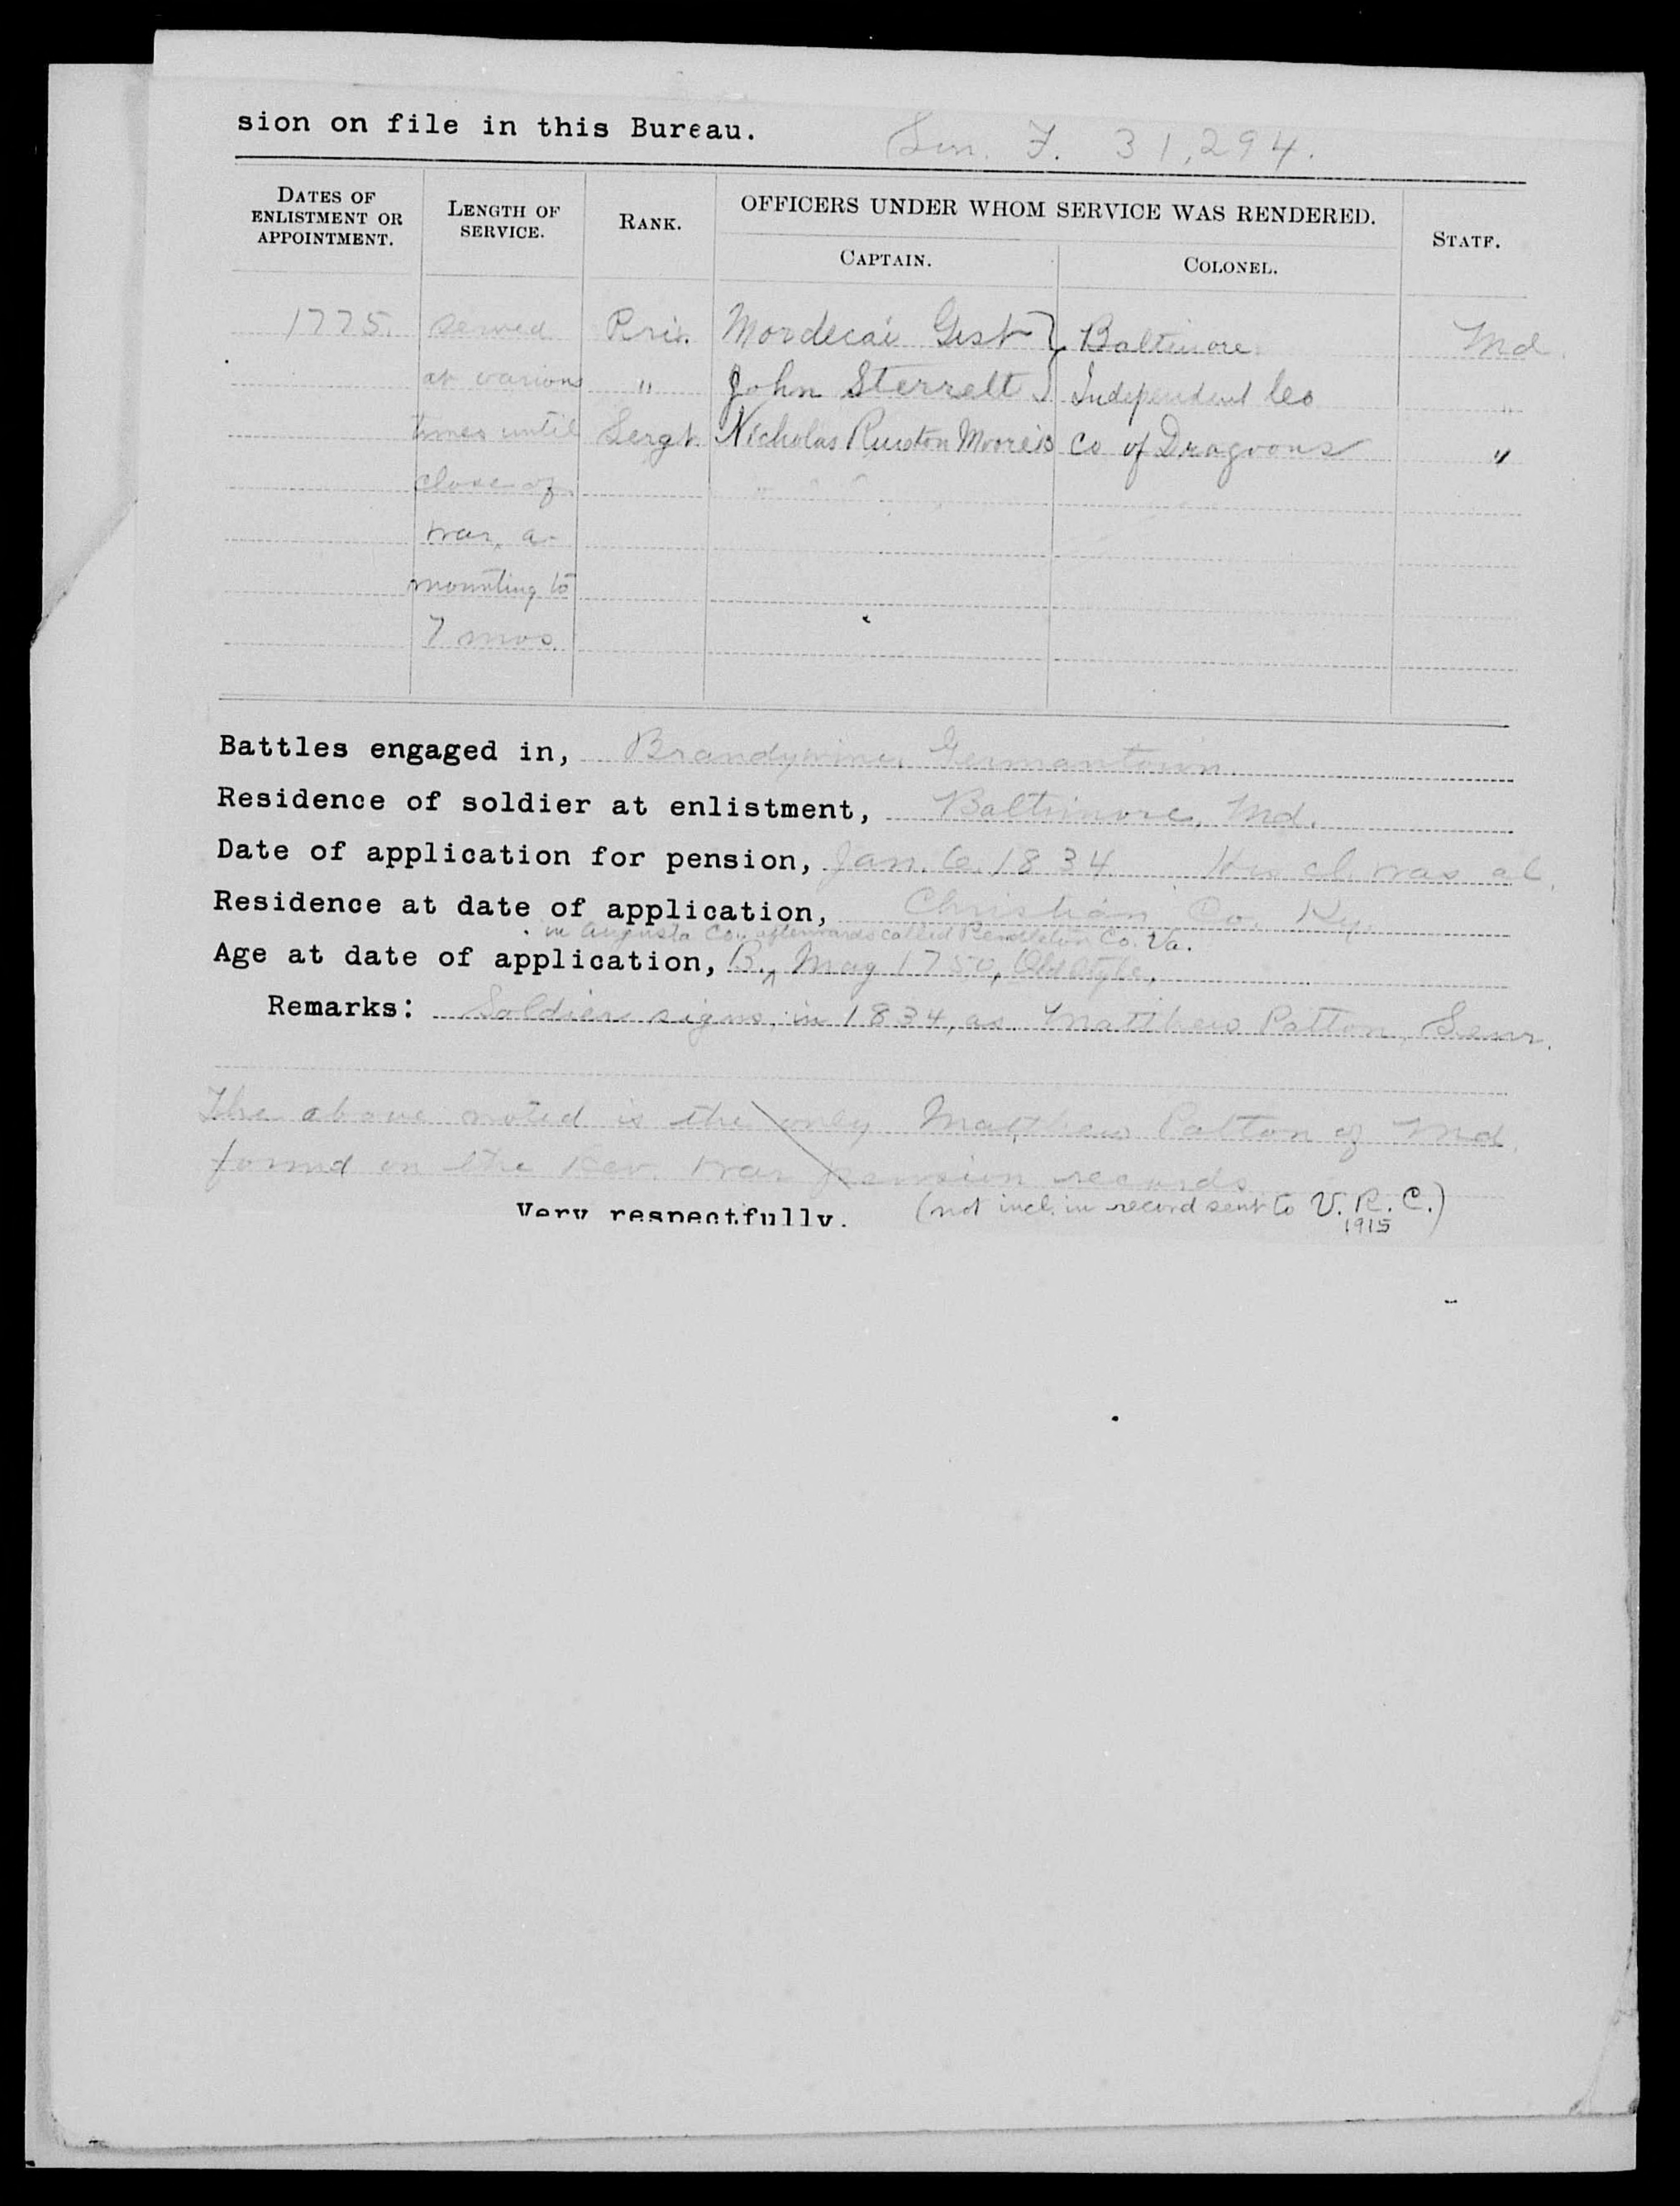Pension file in this Bureau.
Sur. J. 3194.

Dates of Enlistment or Appointment:
1775.
Length of Service:
2 years.
Rank:
Pvt.
Officers under whom service was rendered:
Captain: Mordecai Gist, Baltimore Independent Co., John Sterrett.
Sergt. Nicholas Ruxton Moore's Co. of Dragoons.
State: Md.

Battles engaged in: Brandywine.
Residence of soldier at enlistment: Baltimore, Md.
Date of application for pension: Jan. 8, 1834.
Residence at date of application: Christian Co., Ky.
Age at date of application: 84.
Remarks: very respectfully, (End note: Signed but not readable, C.R.C.)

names: [BLANK] Baltimore; Nicholas Ruxton Morris; Matthew Patton; Mordecai Gist; John Sterrett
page: 45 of 45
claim: survivor's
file: S. 31294, for Matthew Patton, Maryland